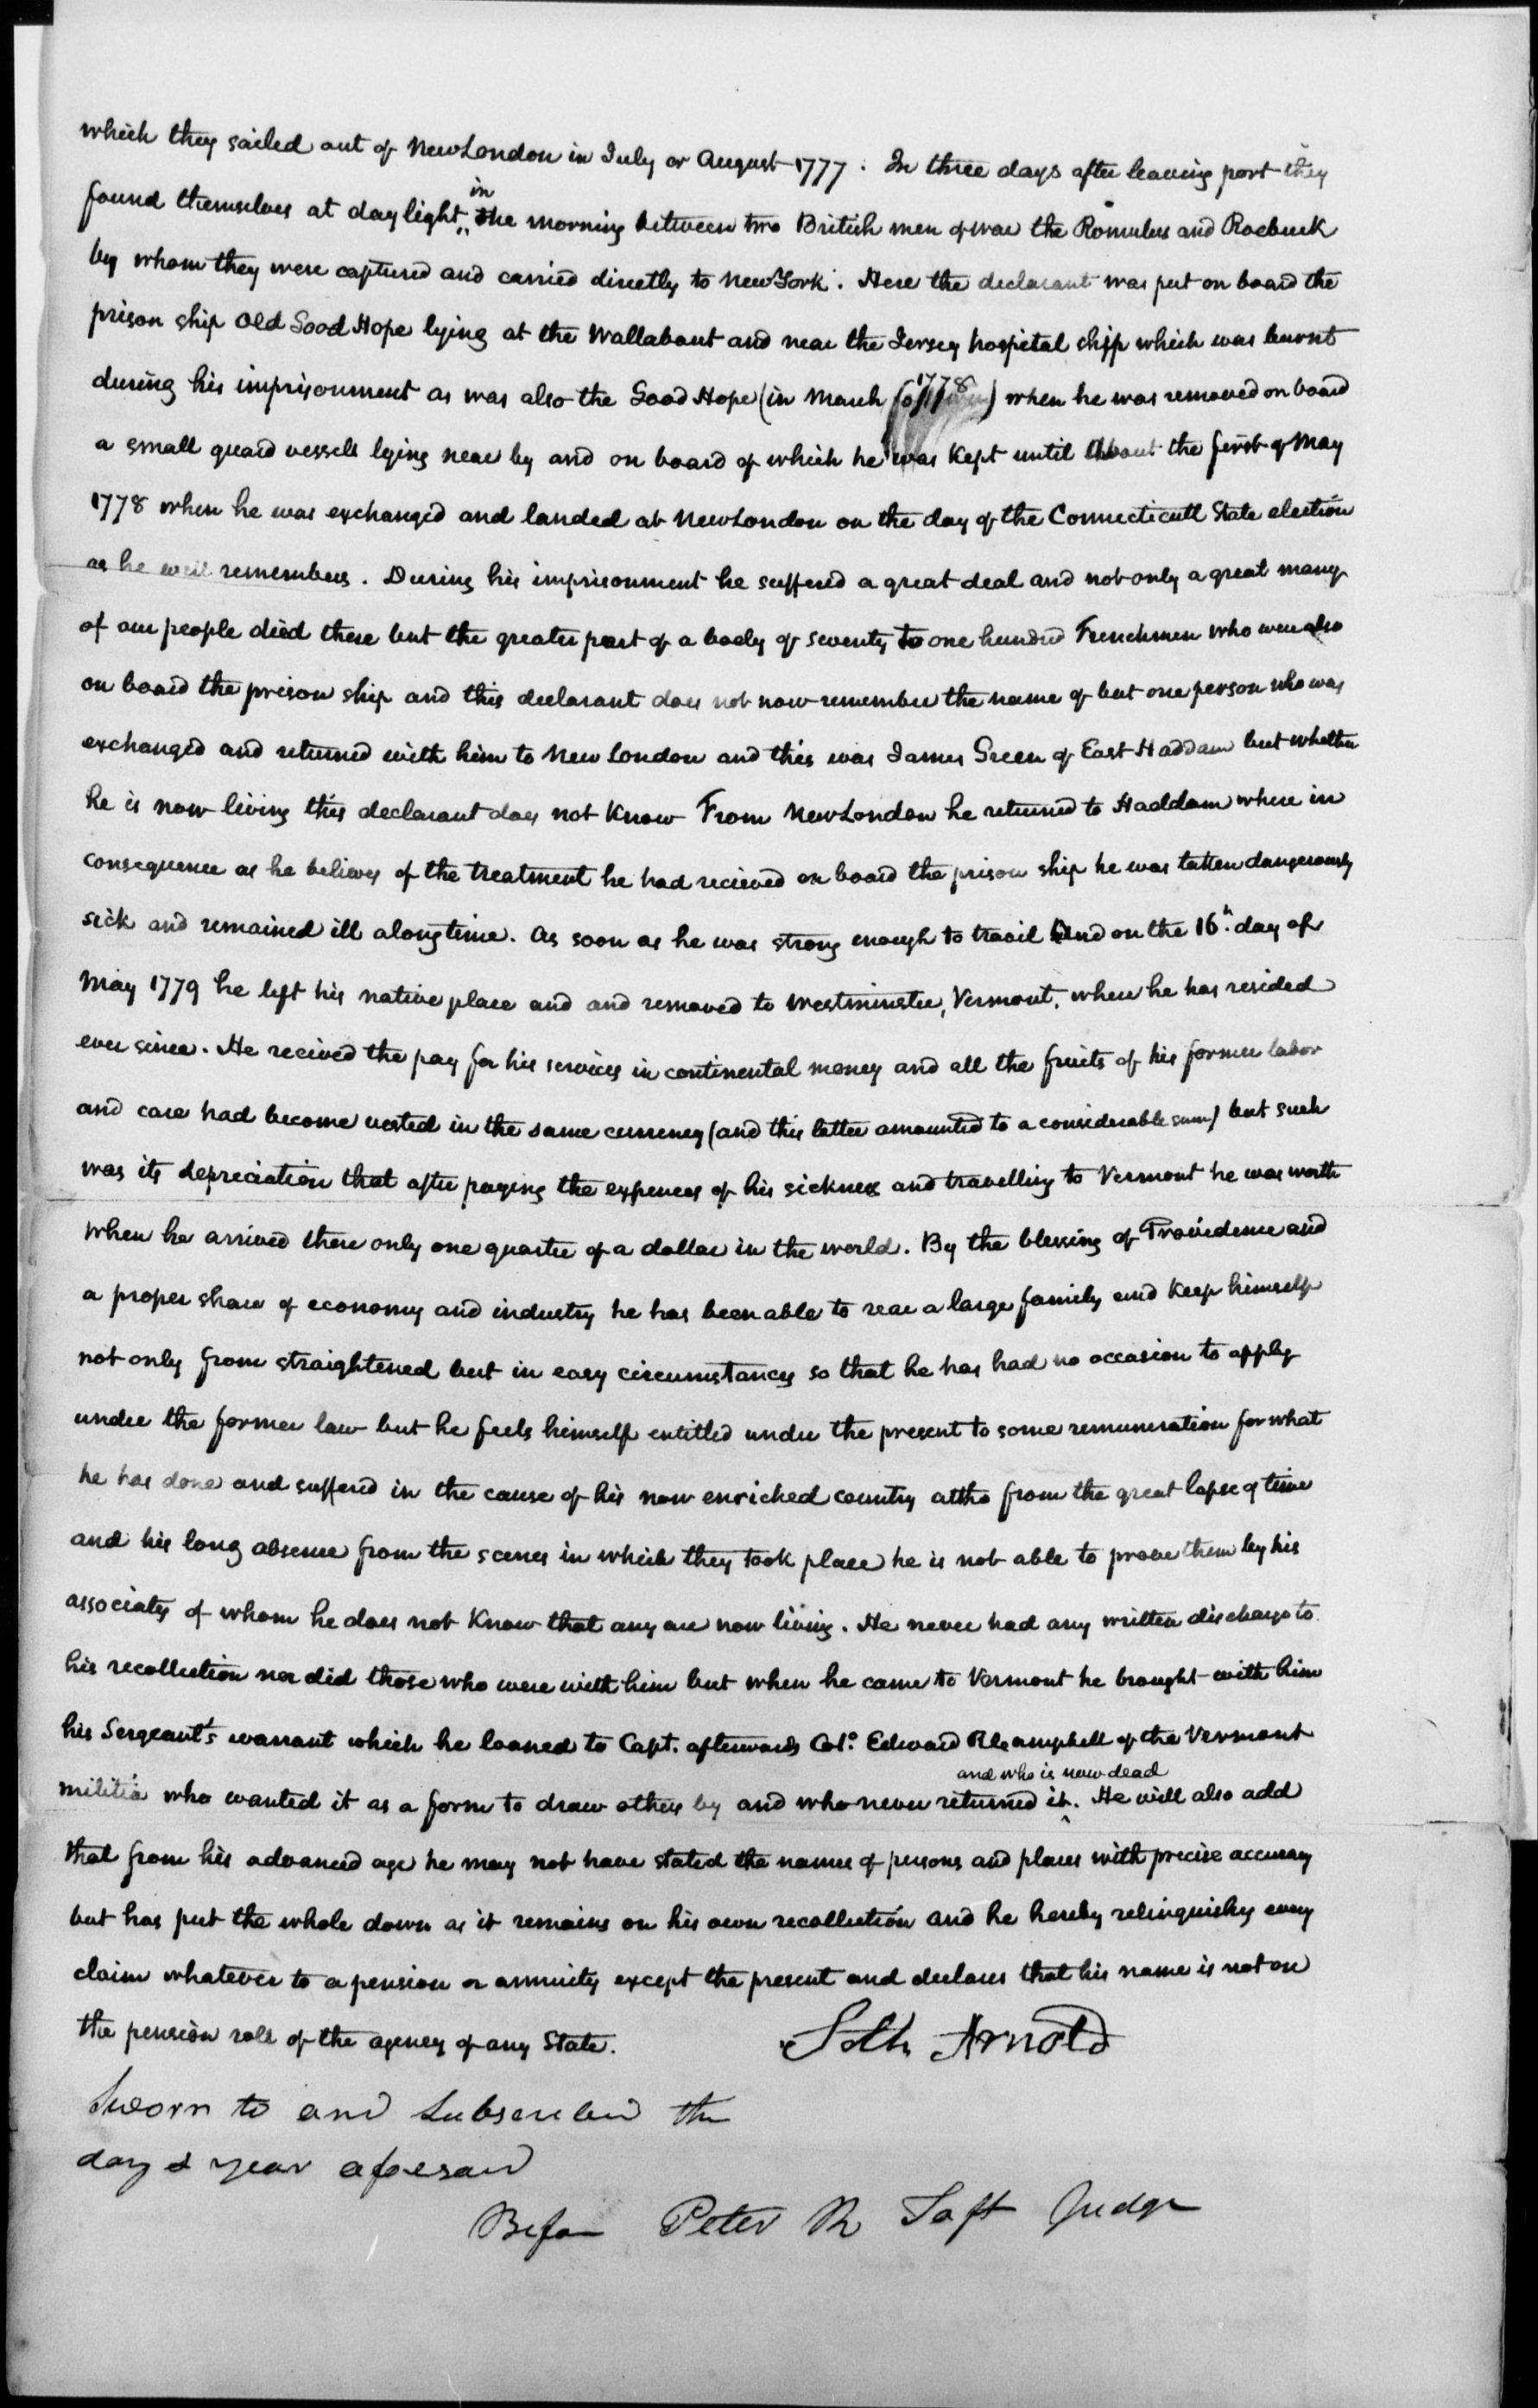which they sailed out of New London in July or August 1777.  In three days after leaving port they found themselves at daylight in the morning between two British men of war the Romulus and Roebuck by whom they were captured and carried directly to New Yrk  There the declarant was put on board the prison ship Old Good Hope lying at the Wallabout and near the Jersey hospital ship which was burnt during his imprisonment as was also the Good Hope (in March 1778) when he was removed on board a small guard vessls lying near by and on board of which he was kept until about the finish of May 1778 when he was exchanged and landed at New London on the day of the Connecticutt State election as he well remembers. During his imprisonment he suffered a great deal and not only a great many of our people died there but the greater part of a body of seventy to one hundred Frenchmen who were also on board the prisonship and this declarant does not now remember the name of but one person who was exchanged and returned with him to New London and this was James Green of East Haddam but whether he is now living this declarant does not know.  From New London he retured to Haddam where in consequence of he believes of the treatment he had received on board the prison ship he was taken dangerously sick and remained ill a long time.  As soon as he was strong enough to travel and on the 16th day of May 1779 he left his native place and and removed to Westminster, Vermont, where he has resided ever since.  He received the pay for his services in continental money and all the fruits of his former labor and care had become vested in the same currency (and this latter amounted to a considerable sum) but such was its depreciation that after paying the expenses of his sickness and travelling to Vermont he was worth when he arrived there only one quarter of a dollar in the world.  By the blowing of Providence and a proper share of economy and industry he has been able to rear a large family and keep himself not only from straightened but in easy circumstances so thehe had no occasion to apply under the former law but he feels himself entitled to under the present to some remuneration for what he has done and suffered in the cause of his now enriched country altho from the great lapse of time and his long absence from teh scenes in which they took place he is not able to prove them by his associates of whom he does not know that any are now living. He never had any written discharge to his recollection nor did those who were with him but when he came to Vermont he brought with his him Sergeant's warrant which he loaned to Capt. afterwards Col. Edward R. Campbell of the Vermont militia who wanted it as a form to draw others by and who never returned it and who is now dead.  He will also add that from his advanced age he may not have stated the names of persons and places with precise accuracy but has put the whole down as it remains on his recollection and he hereby relinqueshes away any claim whatever to a pension or annuity except the present and declares that his name is not on the pension roll of the agency of any state.  
Seth Arnold

Sworn to and subscribed the day & year aforesaid Before Peter R Taft Judge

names: Seth Arnold, James Green, Peter R Taft, Edward R Campbell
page: 4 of 9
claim: survivor's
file: S. 18690, Seth Arnold, Conn. Privateer